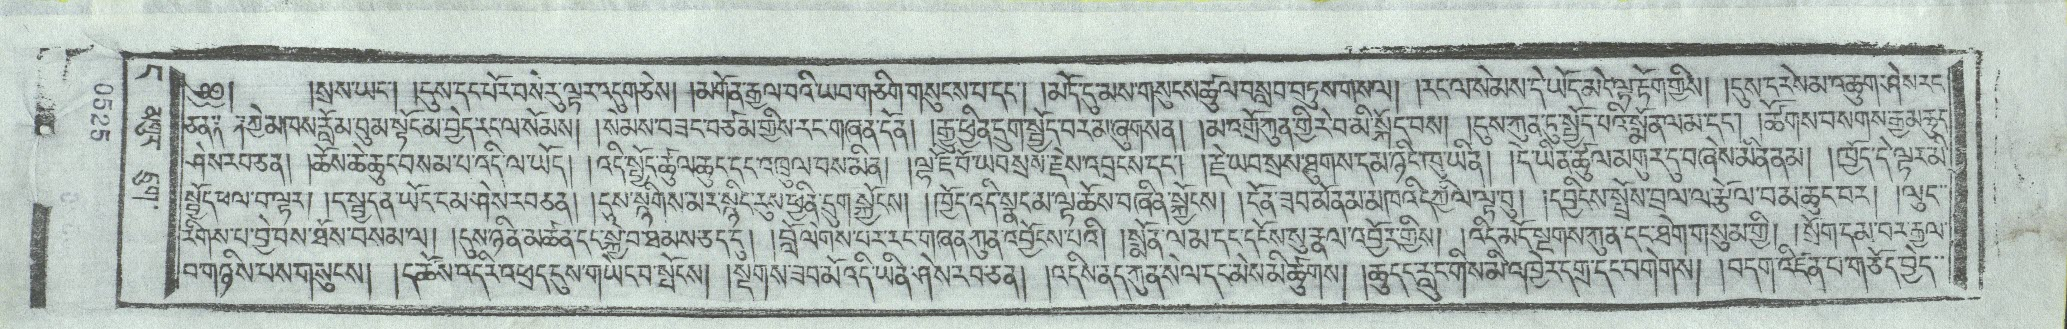༄༅། །སྲས་ཡང་། །དུས་དང་པོར་བསེ་རུ་ལྟར་འདུག་ཅེས། །མགོན་རྒྱལ་བའི་ཡབ་གཅིག་གསུངས་པ་དང་། །མདོ་དུ་མས་གསུངས་ཚུལ་བསླབ་བཏུས་གསལ། །རང་ལ་སེམས་དེ་ཡོད་མེད་ལྟ་རྟོག་གྱིས། །དུས་ད་རེས་མ་འཆུག་ཤེས་རང་
ཅན༑ ༑ཀྱེ་མཁས་རློམ་བུམ་སྟོང་མ་བྱེད་རང་ལ་སོམས། །སེམས་བཟང་བཙམ་གྱིས་རང་གཞན་དོན། །རྒྱུ་ཕྱིན་དྲུག་སྦྱོད་བར་མ་ཞུགས་ན། །མ་འགྲོ་ཀུན་གྱི་རེ་བ་མི་སྐོད་པས། །དུས་ཀུན་ཏུ་སྤྱོད་པའི་སྨོན་ལམ་དང་། །ཚོགས་བ་སགས་རྒྱམ་ཆུད་
ཤེས་རབ་ཅན། །ཆོས་ཆེ་ཆུང་བསམ་པ་འདི་ལ་ཡོད། །འདི་སྤྱོད་ཚུལ་ཆུད་དང་འཁྲུལ་བས་མིན། །ལྷ་ཇོ་བོ་ཡབ་སྲས་རྗེས་འབྲངས་དང་། །རྗེ་ཡབ་སྲས་ཐུགས་ད་མ་ཉིས་བུ་ཡིན། །དེ་ཡིན་ཚུལ་མགུར་དུ་བཞེས་མིན་ནམ། །ཁྱོད་དེ་ལྟར་མི་
སྦྱོད་ཕལ་པ་ལྟར། །ད་སྦྱད་ན་ཡོང་དམ་ཤེས་རབ་ཅན། །དུས་སྙིགས་མར་སྙིང་རུས་ཕྱིན་དྲུག་སྐྱོངས། །ཁྱོད་འདི་སྣང་མ་ལྟ་ཆོས་བཞིན་སྐྱོངས། །དོན་ཟབ་མོན་མ་མཁའི་དཀྱིལ་ལྟ་བུ། །དབྱིངས་སྤྲོས་བྲལ་ལ་རྩོལ་བམ་ཆུང་བར། །ལུང་
རིགས་པ་བྱེ་བས་ཐོས་བསམ་ལ། །དུས་ཉིན་མཚན་དང་སྐྱེ་བ་ཐམས་ཅད་དུ། །བློ་ལེགས་པར་རང་གཞན་ཀུན་འབྱོངས་པའི། །སྨོན་ལམ་དང་དངོས་སུ་རྣལ་འབྱོར་གྱིས། །འདི་མདོ་སྔགས་ཀུན་དང་ཐེག་གསུམ་གྱི། །སྲོག་དམ་བར་རྒྱལ་
བ་གཉིས་པས་གསུངས། །ད་ཚོས་འདིར་འཕྲད་དུས་གཡེང་བ་སྤོངས། །སྔགས་ཟབ་མོ་འདི་ཡིན་ཤེས་རབ་ཅན། །འདིས་ནད་ཀུན་སེལ་དང་མེས་མི་ཚུགས། །ཆུ་དང་རླུང་གིས་མི་འཁྱེར་དགྲ་དང་བགེགས། །བདག་འཛིན་པ་གཅོད་བྱེད་